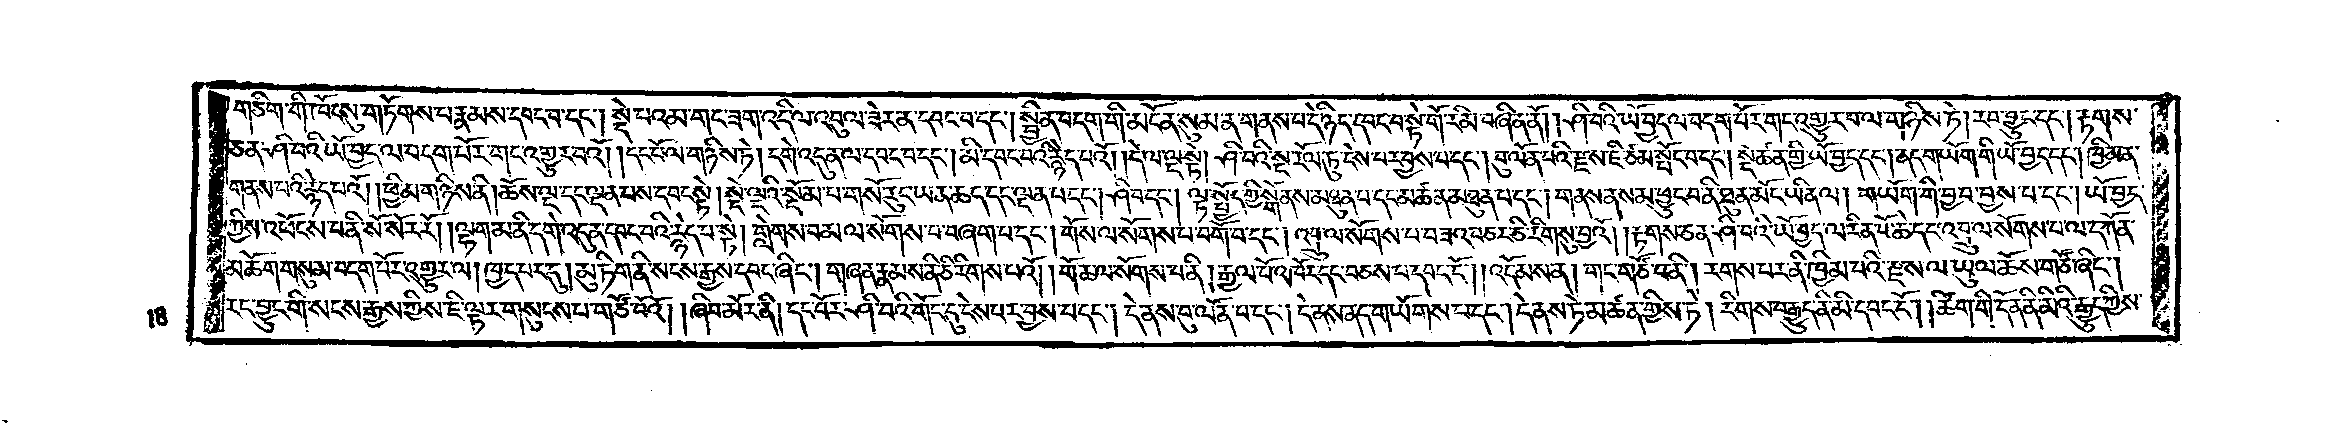གཅིག་གི་ཁོངས་སུ་གཏོགས་པ་རྣམས་དབང་བ་དང་། སྡེ་པའམ་གང་ཟག་འདི་ལ་འབུལ་ཟེར་ན་དབང་བ་དང་། སྦྱིན་བདག་གི་མངོན་སུམ་ན་གནས་པ་དེ་ཉིད་དབང་བ་སྟེ་གོ་རིམ་བཞིན་ནོ། །ཤི་བའི་ཡོ་བྱད་ལ་བདག་པོར་གང་འགྱུར་བ་ལ་གཉིས་ཏེ། རབ་བྱུང་དང་། རྟགས་
ཅན་ཤི་བའི་ཡོ་བྱད་ལ་བདག་པོར་གང་འགྱུར་བའོ། །དང་པོ་ལ་གཉིས་ཏེ། དགེ་འདུན་ལ་དབང་བ་དང་། མི་དབང་བའི་རྙེད་པའོ། །དེ་ལ་ལྔ་སྟེ། ཤི་བའི་སྔ་རོལ་ཏུ་ངེས་པར་བྱས་པ་དང་། བུ་ལོན་པའི་རྫས་ཇི་ཙམ་སྤོང་བ་དང་། སྡེ་ཚན་གྱི་ཡོ་བྱ་དང་། ནད་གཡོག་གི་ཡོ་བྱད་དང་། ཁྱིམ་ན་
གནས་པའི་རྙེད་པའོ། །ཕྱི་མ་གཉིས་ནི། ཆོས་ལྔ་དང་ལྡན་པས་དབང་སྟེ། སྡེ་ལྔའི་སྡོམ་པ་གསོ་རུང་ཡན་ཆད་དང་ལྡན་པ་དང་། ཤི་བ་དང་། ལྟ་སྤྱོད་གྱི་སྒོ་ནས་མཐུན་པ་དང་མཚན་མཐུན་པ་དང་། གནས་ནས་མ་ཕྱུང་བ་ནི་ཐུན་མོང་ཡིན་ལ། གཡོག་གི་བྱ་བ་བྱས་པ་དང་། ཡོ་བྱད་
ཀྱིས་འཕོངས་པ་ནི་སོ་སོར་རོ། །ལྷག་མ་ནི་དགེ་འདུན་དབང་བའི་རྙེད་པ་སྟེ། གླེགས་བམ་ལ་སོགས་པ་བཞག་པ་དང་། གོས་ལ་སོགས་པ་བགོ་བ་དང་། འབྲུ་ལ་སོགས་པ་བཟའ་བཅར་ཅི་རིགས་སུ་བྱའོ། །རྟགས་ཅན་ཤི་བའི་ཡོ་བྱད་ལ་རིན་པོ་ཆེ་དང་འབྲུ་ལ་སོགས་པ་ལ་དཀོན་
མཆོག་གསུམ་བདག་པོར་འགྱུར་ལ། ཁྱད་པར་དུ། མུ་ཏིག་ནི་སངས་རྒྱས་དབང་ཞིང་། གཞན་རྣམས་ནི་ཅི་རིགས་པའོ། །གོ་ཆ་ལ་སོགས་པ་ནི། རྒྱལ་པོ་འཁོར་དང་བཅས་པ་དབང་ངོ། །འདོམས་ན། གང་གཙོ་བ་ནི། རགས་པར་ནི་ཁྱིམ་པའི་རྫས་ལ་ཡུལ་ཆོས་གཙོ་ཞིང་།
རང་བྱུང་གི་སངས་རྒྱས་ཀྱིས་ཇི་ལྟར་གསུངས་པ་གཙོ་བོའོ། །ཞིབ་མོར་ནི། དང་པོར་ཤི་བའི་གོང་དུ་ངེས་པར་བྱས་པ་དང་། དེ་ནས་བུ་ལོན་པ་དང་། དེ་ནས་ནད་གཡོགས་པ་དང་། དེ་ནས་ཏེ་མཚན་གྱིས་ཏེ། རིགས་བརྒྱུད་ནི་མི་དབང་ངོ། །ཚིག་གི་དོན་ནི་མིའི་རྒྱུད་ཀྱིས་